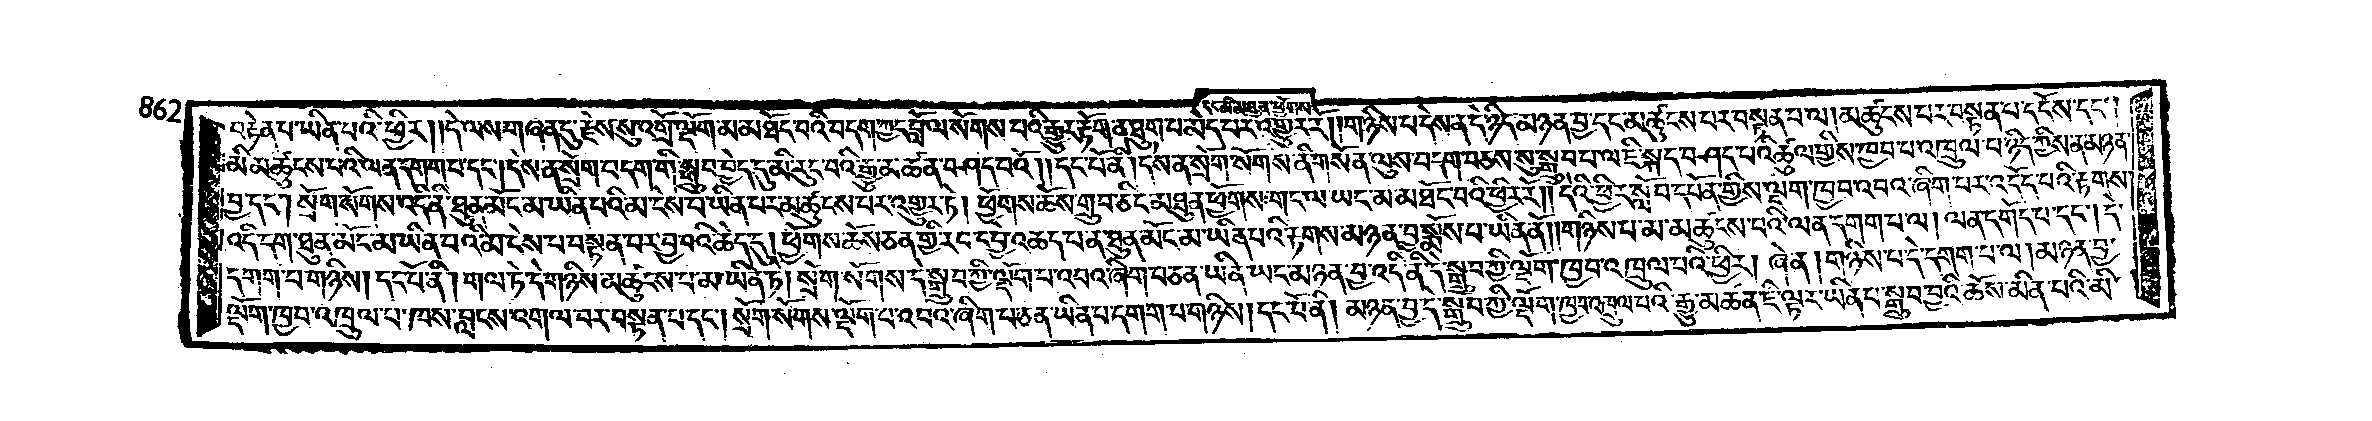བརྟེན་པ་ཡིན་པའི་ཕྱིར། །དེ་ལས་གཞན་དུ་རྗེས་སུ་འགྲོ་ལྡོག་མ་མཐོང་བའི་དབག་ཀྱང་བློ་ལ་སོགས་པའི་རྒྱུར་རྟོག་ན་ཐུག་པ་མེད་པར་འགྱུར་རོ། །གཉིས་པ་དེས་ན་དེ་ཉིད་མཉན་བྱ་དང་མཚུངས་པར་བསྟན་པ་ལ། མཚུངས་པར་བསྟན་པ་དངོས་དང་
མི་མཚུངས་པའི་ལན་དགག་པ་དང་།དེས་ན་སྲེག་པ་དག་གི་སྒྲུབ་བྱེད་དུ་མི་རུང་བའི་རྒྱུ་མཚན་བཤད་པའོ། །དང་པོ་ནི། དེས་ན་སྲོག་སོགས་ནི་གསོན་ལུས་བདག་བཅས་སུ་སྒྲུབ་པ་ལ་ཇི་སྐད་བཤད་པའི་ཚུལ་གྱིས་ཁྱབ་པ་འཁྲུལ་པ་ཉིད་ཀྱིས་ནམ་མཉན་
བྱ་དང་།སྲོག་སོགས་འདི་ནི་ཐུན་མོང་མ་ཡིན་པའི་མ་ངེས་པ་ཡིན་པར་མཚུངས་པར་འགྱུར་ཏེ། ཕྱོགས་ཆོས་གྲུབ་ཅིང་མཐུན་ཕྱོགས་དང་མི་མཐུན་ཕྱོགས་གང་ལ་ཡང་མ་མཐོང་བའི་ཕྱིར་རོ། །དེའི་ཕྱིར་སློབ་དཔོན་གྱིས་ལྡོག་ཁྱབ་འབའ་ཞིག་པར་འདོད་པའི་རྟགས་
འདི་དག་ཐུན་མོང་མ་ཡིན་པའི་མ་ངེས་པ་བསྟན་པར་བྱ་བའི་ཆེད་དུ། ཕྱོགས་ཆོས་ཅན་གྱི་རབ་དབྱེ་འཆད་པ་ན་ཐུན་མོང་མ་ཡིན་པའི་རྟགས་མཉན་བྱ་སྨོས་པ་ཡིན་ནོ། གཉིས་པ་མ་མཚུངས་པའི་ལན་དགག་པ་ལ། ལན་དགོད་པ་དང་། དེ་
དགག་པ་གཉིས། དང་པོ་ནི། གལ་ཏེ་དེས་གཉིས་མཚུངས་པ་མ་ཡིན་ཏེ། སྲོག་སོགས་དེ་སྒྲུབ་ཀྱི་ལྡོག་པ་འབའ་ཞིག་པ་ཅན་ཡིན་ཡང་མཉན་བྱ་འདི་ནི་དེ་སྒྲུབ་ཀྱི་ལྡོག་ཁྱབ་འཁྲུལ་པའི་ཕྱིར། ཞེ་ན། གཉིས་པ་དེ་དགག་པ་ལ། མཉན་བྱ་
ལྡོག་ཁྱབ་འཁྲུལ་པ་ཁས་བླངས་འགལ་བར་བསྟན་པ་དང་། སྲོགས་སོགས་ལྡོག་པ་འབའ་ཞིག་པ་ཅན་ཡིན་པ་དགག་པ་གཉིས། དང་པོ་ནི། མཉན་བྱ་དེ་སྒྲུབ་ཀྱི་ལྡོག་ཁྱབ་འཁྲུལ་བའི་རྒྱུ་མཚན་ཇི་ལྟར་ཡིན་པ་སྒྲུབ་བྱའི་ཆོས་མིན་པའི་མི་